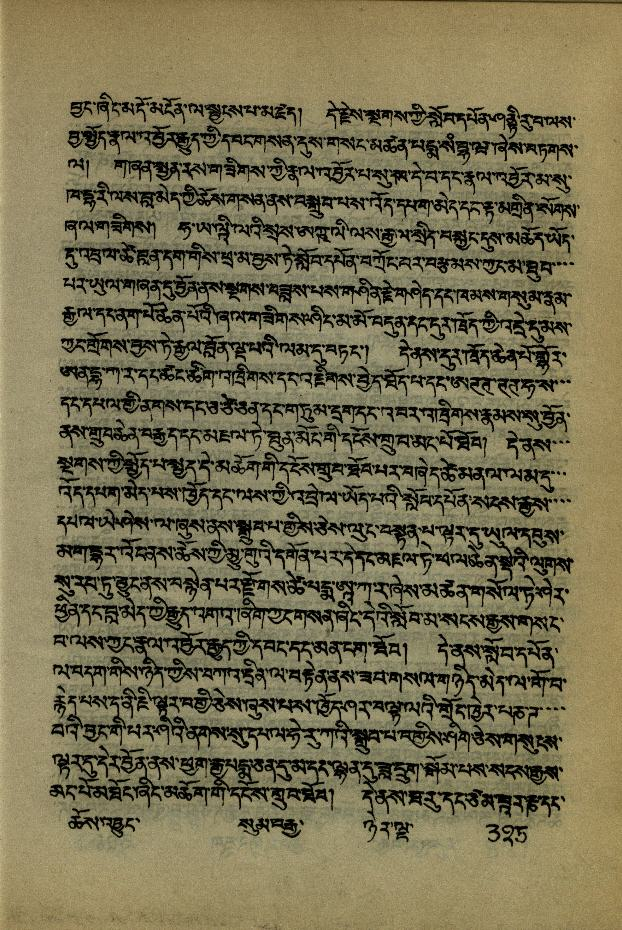བྱང་ཞིང་མདོ་མངོན་ལ་སྦྱངས་པ་མཛད། དེ་རྗེས་སྔགས་ཀྱི་སློབ་དཔོན་ཤནྟི་རུ་བ་ལས་
བྱ་སྤྱོད་རྣལ་འབྱོར་རྒྱུད་ཀྱི་དབང་གསན་དུས་གསང་མཚན་པདམ་སཾ་བྷ་ཝ་ཞེས་བཏགས་
ལ། གཞན་སྤྱན་རས་གཟིགས་ཀྱི་རྣལ་འབྱོར་པ་སུ་ས་དེ་བ་དང་རྣལ་འབྱོར་མ་སུ་
ཁ་དྷ་རི་ལས་བླ་མེད་ཀྱི་ཆོས་གསན་ནས་བསྒྲུབ་པས་འོད་དཔག་མེད་དང་རྟ་མགྲིན་སོགས་
ཞལ་གཟིགས། ཧ་ཡ་ལཱི་ལའི་སྲས་ཨཀྵ་ལི་ལས་རྒྱལ་སྲིད་བསྐྱང་དུས་མཆོད་ཡོད་
དུ་འབྲལ་ཚེ་བླན་དག་གིས་ཕྲ་མ་བྱས་ཏེ་སློབ་དཔོན་བཀྲོང་བར་བརྩམས་ཀྱང་མ་ཐུབ་
པར་ཡུལ་གཞན་དུ་བྱོན་ནས་སྔགས་བཟླས་པས་གཤིན་རྗེ་གཤེད་དང་ཁམས་གསུམ་རྣམ་
རྒྱལ་དང་ནག་པོ་ཆེན་པོའི་ཞལ་གཟིགས་ཤིང་མ་མོ་བདུན་དང་དུར་ཁྲོད་ཀྱི་འདྲེ་དུ་མས་
ཀྱང་གྲོགས་བྱས་ཏེ་རྒྱལ་བློན་ལྔ་པའི་ལམ་དུ་བཏང་། དེ་ནས་དུར་ཁྲོད་ཆེན་པོ་གྷོར་
ཨན་དྷ་ཀ་ར་དང་ཚང་ཚིག་འཁྲིགས་དང་འཇིགས་བྱེད་ཐོད་པ་དང་ཨཊཊ་ཊཊ་ཧ་ས་
དང་དཔལ་གྱི་ནགས་དང་ཅ་ཙེ་ཅན་དང་གཏུམ་དྲག་དང་འབར་འཁྲིགས་རྣམས་སུ་བྱོན་
ནས་གྲུབ་ཆེན་བརྒྱད་དང་མཇལ་ཏེ་ཐུན་མོང་གི་དངོས་གྲུབ་མང་པོ་ཐོབ། དེ་ནས་
སྔགས་ཀྱི་སྤྱོད་པ་སྤྱད་དེ་མཆོག་གི་དངོས་གྲུབ་ཐོབ་པར་བཞེད་ཚེ་མནལ་ལམ་དུ་
འོད་དཔག་མེད་པས་ཁྱོད་དང་ལས་ཀྱི་འབྲེལ་ཡོད་པའི་སློབ་དཔོན་སངས་རྒྱས་
དཔལ་ཡེ་ཤེས་ལ་ཞུས་ནས་སྒྲུབ་པ་གྱིས་ཅེས་ལུང་བསྟན་པ་ལྟར་དུ་ཡུལ་དབུས་
མ་ག་དྷར་འོང་ནས་ཆོས་ཀྱི་མྱུ་གུའི་དགོན་པར་དེ་དང་མཇལ་ཏེ་ཕལ་ཆེན་སྡེའི་ལུགས་
སུ་རབ་ཏུ་བྱུང་ནས་བསྙེན་པར་རྫོགས་ཚེ་པདམ་ཨཱ་ཀ་ར་ཞེས་མཚན་གསོལ་ཏེ་ཤེར་
ཕྱིན་དང་བླ་མེད་ཀྱི་རྒྱུད་འགའ་ཞིག་ཀྱང་གསན་ཞིང་དེའི་སློབ་མ་སངས་རྒྱས་གསང་
བ་ལས་ཀྱང་རྣལ་འབྱོར་རྒྱུད་ཀྱི་དབང་དང་མན་ངག་ཐོབ། དེ་ནས་སློབ་དཔོན་
ལ་བདག་གིས་ཉིད་ཀྱིས་བཀའ་དྲིན་ལ་བརྟེན་ནས་ཟབ་གསལ་གཉིད་མེད་ལ་གོ་བ་
རྙེད་པས་ད་ནི་ཇི་ལྟར་བགྱི་ཅེས་ཞུས་པས་ཁྱོད་ཤར་བལྟ་ལའི་གྲོང་ཁྱེར་པཎ་ཌ་
བའི་བྱང་གི་པར་ཤིའི་ནགས་སུ་དཔལ་ཧེ་རུ་ཀའི་སྒྲུབ་པ་བགྱིས་ཤིག་ཅེས་གསུངས་
ལྟར་དུ་དེར་བྱོན་ནས་ཕྱག་རྒྱ་པདམ་ཅན་དུ་མ་དང་ལྷན་དུ་ཟླ་དྲུག་སྒོམ་པས་སངས་རྒྱས་
མང་པོ་མཐོང་ཞིང་མཆོག་གི་དངོས་གྲུབ་ཐོབ། དེ་ནས་ཐ་རུ་དང་ཙམ་བཱར་རྞ་དང་